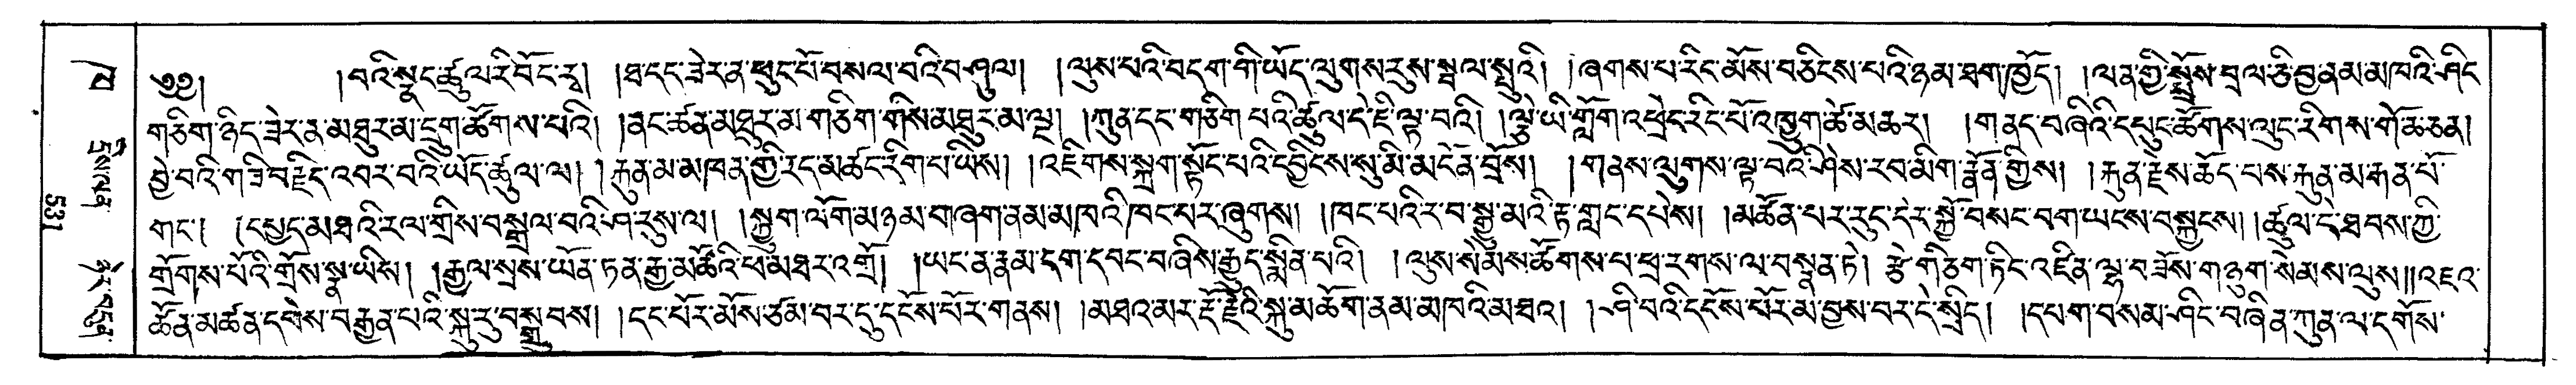༄༅། །པའི་སྣང་ཚུལ་རི་བོང་རྭ། །ཐ་དད་ཟེར་ན་ཕུང་པོ་བསལ་བའི་བཤུལ། །ལུས་པའི་བདག་གི་ཡོད་ལུགས་རུས་སྦལ་སྤུའི། །ཞགས་པ་རིང་པོས་བཅིངས་པའི་ཉམ་ཐག་ཁྱོད། །ལན་གྱི་སྤྲོས་བྲལ་ཅི་བྱ་ནམ་མཁའི་ཤིང་
གཅིག་ཉིད་ཟེར་ན་མཐུར་མ་དྲུག་ཚོགས་པའི། །ནང་ཚན་མཐུར་མ་གཅིག་གིས་མཐུར་མ་ལྔ། །ཀུན་དང་གཅིག་པའི་ཚུལ་དེ་ཇི་ལྟ་བའི། །ལྕེ་ཡི་གློག་འཕྲེང་རིང་པོ་འཁྱུག་ཚེ་མཆར། །གནད་བཞིའི་དཔུང་ཚོགས་ལུང་རིགས་གོ་ཆ་ཅན།
བྱེ་བའི་གཟི་བརྗིད་འབར་བའི་ཡོད་ཚུལ་ལ། །རྐུན་མ་མཁན་གྱི་རང་མཚང་རིག་པ་ཡིས། །འཇིགས་སྐྲག་སྟོང་པའི་དབྱིངས་སུ་མི་མངོན་བྲོས། །གནས་ལུགས་ལྟ་བའི་ཤེས་རབ་མིག་རྣོན་གྱིས། །རྐུན་རྗེས་ཆོད་པས་རྐུན་མ་རྒན་པོ་
གང༑ ༑དཔྱད་མཐའི་རལ་གྲིས་བསྒྲལ་བའི་ཤ་རུས་ལ། །སྐྱུག་ལོག་མཉམ་གཞག་ནམ་མཁའི་ཁང་པར་ཞུགས། །ཁང་པའི་ར་བ་སྒྱུ་མའི་རྟ་གླང་དཔེས། །མཚོན་པར་རུང་དེར་སྐྱོ་བསང་བག་ཡངས་བསྐྱངས། །ཚུལ་དེ་ཐབས་ཀྱི་
གྲོགས་པོའི་གྲོས་སྣ་ཡིས། །རྒྱལ་སྲས་ཡོན་ཏན་རྒྱ་མཚོའི་ཕ་མཐར་འགྲོ། །ཡང་ན་རྣམ་དག་དབང་བཞིས་རྒྱུད་སྨིན་པའི། །ལུས་སེམས་ཚོགས་པ་ཕྲ་རགས་ལ་བསྣུན་ཏེ། རྩེ་གཅིག་ཏིང་འཛིན་ལྷ་བཟོས་གཉུག་སེམས་ལུས། །འཇའ་
ཚོན་མཚན་དཔེས་བརྒྱན་པའི་སྐུ་རུ་བསྒྲུབས། །དང་པོར་མོས་ཙམ་བར་དུ་དངོས་པོར་གནས། །མཐའ་མར་རྡོ་རྗེའི་སྐུ་མཆོག་ནམ་མཁའི་མཐའ། །ཤི་བའི་དངོས་པོར་མ་བྱས་བར་དེ་སྲིད། །དཔག་བསམ་ཤིང་བཞིན་ཀུན་ལ་དགོས་